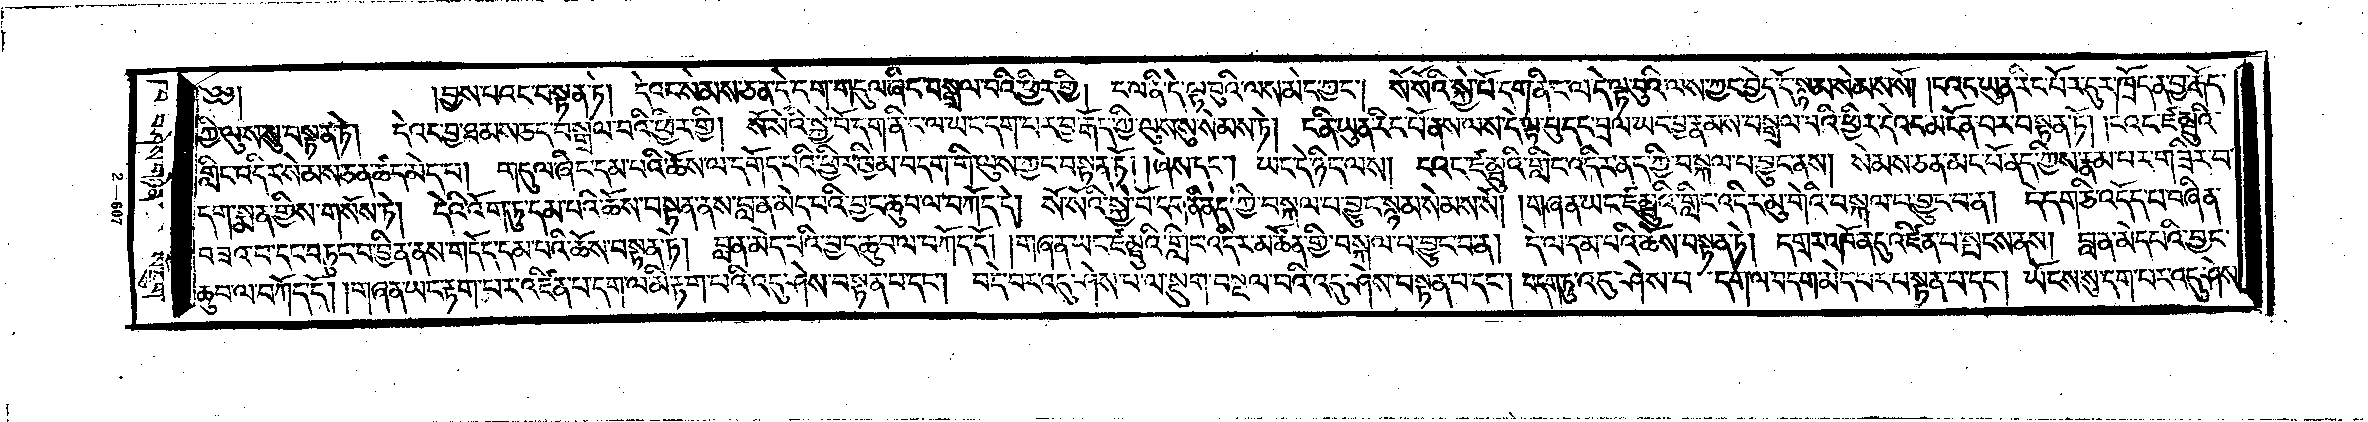༄༅། །བྱས་པའང་བསྟན་ཏེ། དེའང་སེམས་ཅན་དེ་དག་གདུལ་ཞིང་བསྒྲལ་བའི་ཕྱིར་གྱི། ང་ལ་ནི་དེ་ལྟ་བུའི་ལས་མེད་ཀྱང་། སོ་སོའི་སྐྱེ་བོ་དག་ནི་ང་ལ་དེ་ལྟ་བུའི་ལས་ཀྱང་བྱེད་དོ་སྙམ་སེམས་སོ། །ངའང་ཡུན་རིང་པོར་དུར་ཁྲོད་ན་བྱ་རྒོད་
ཀྱི་ལུས་སུ་བསྟན་ཏེ། དེའང་བྱ་ཐམས་ཅད་བསྒྲལ་བའི་ཕྱིར་གྱི། སོ་སོའི་སྐྱེ་བོ་དག་ནི་ང་ལ་ཡང་དག་པར་བྱ་རྒོད་ཀྱི་ལུས་སུ་སེམས་ཏེ། ང་ནི་ཡུན་རིང་པོ་ནས་ལས་དེ་ལྟ་བུ་དང་བྲལ་ཡང་བྱ་རྣམས་བསྒྲལ་བའི་ཕྱིར་དེའང་མངོན་པར་བསྟན་ཏོ། །ངའང་ཛམྦུའི་
གླིང་འདིར་སེམས་ཅན་ཚད་མེད་པ། གདུལ་ཞིང་དམ་པའི་ཆོས་ལ་དགོད་པའི་ཕྱིར་ཁྱིམ་བདག་གི་ལུས་ཀྱང་བསྟན་ཏོ། །ཞེས་དང་། ཡང་དེ་ཉིད་ལས། ངའང་ཛམྦུའི་གླིང་འདོར་ནད་ཀྱི་བསྐལ་པ་བྱུང་ནས། སེམས་ཅན་མང་པོ་ནད་ཀྱིས་རྣམ་པར་གཟིར་བ་
དག་སྨན་གྱིས་གསོས་ཏེ། དེའི་འོག་ཏུ་དམ་པའི་ཆོས་བསྟན་ནས་བླ་ན་མེད་པའི་བྱང་ཆུབ་ལ་བཀོད་དེ། སོ་སོའི་སྐྱེ་བོ་དག་ནི་ནད་ཀྱི་བསྐལ་པ་བྱུང་སྙམ་སེམས་སོ། །གཞན་ཡང་ཛམྦུའི་གླིང་འདིར་མུ་གེའི་བསྐལ་པ་བྱུང་པ་ན། དེ་དག་ཅི་འདོད་པ་བཞིན་
བཟའ་བ་དང་བཏུང་བ་བྱིན་ནས་གདོད་དམ་པའི་ཆོས་བསྟན་ཏེ། བླ་ན་མེད་པའི་བྱང་ཆུབ་ལ་བཀོད་དོ། །གཞན་ཡང་ཛམྦུའི་གླིང་འདིར་མཚོན་གྱི་བསྐལ་པ་བྱུང་པ་ན། དེ་ལ་དམ་པའི་ཆོས་བསྟན་ཏེ། དགྲ་འཁོན་དུ་འཛིན་པ་སྤངས་ནས། བླ་ན་མེད་པའི་བྱང་
ཆུབ་ལ་བཀོད་དོ། །གཞན་ཡང་རྟག་པར་འཛིན་པ་དག་ལ་མི་རྟག་པའི་འདུ་ཤེས་བསྟན་པ་དང་། བདེ་བར་འདུ་ཤེས་པ་ལ་སྡུག་བསྔལ་པའི་འདུ་ཤེས་བསྟན་པ་དང་། བདག་ཏུ་འདུ་ཤེས་པ་དག་ལ་བདག་མེད་པར་བསྟན་པ་དང་། ཡོངས་སུ་དག་པར་འདུ་ཤེས་